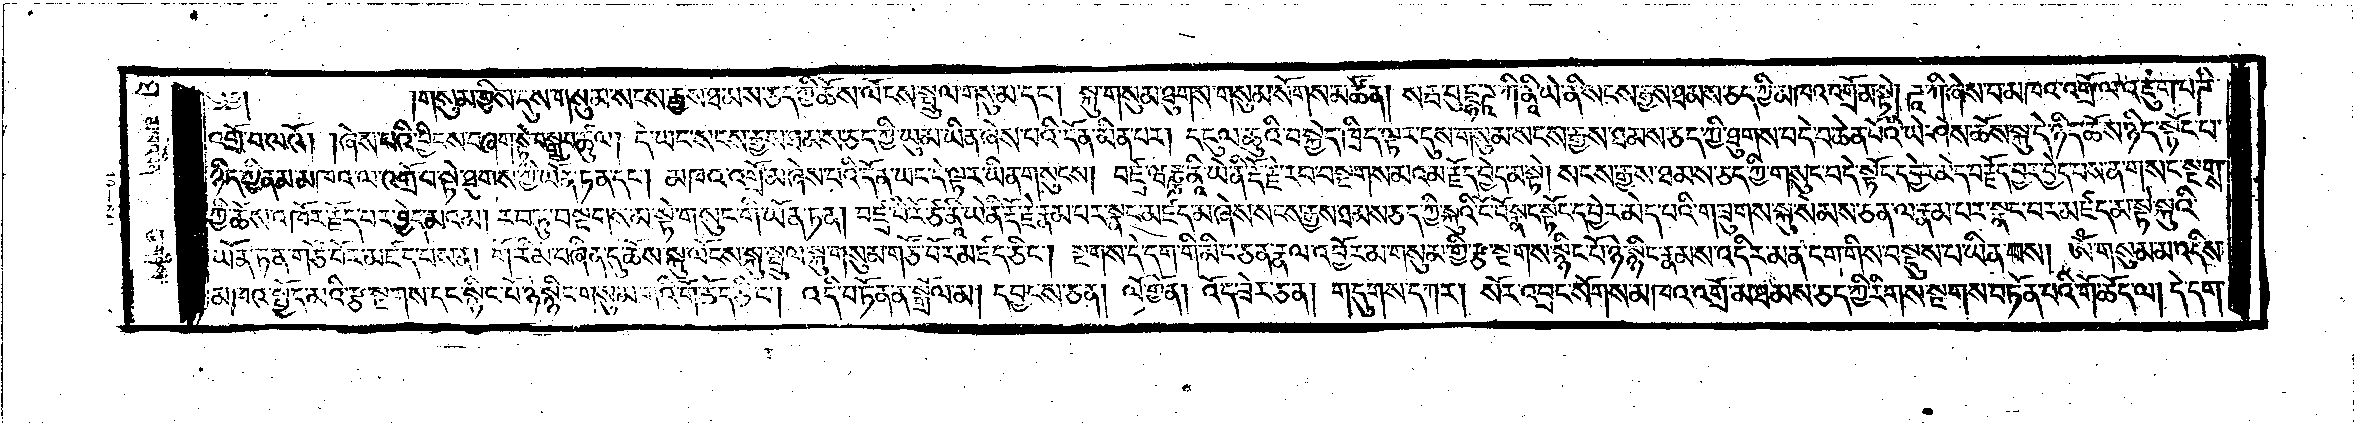༄༅། །གསུམ་གྱིས་དུས་གསུམ་སངས་རྒྱས་ཐམས་ཅད་ཀྱི་ཆོས་ལོངས་སྤྲུལ་གསུམ་དང་། སྐུ་གསུམ་ཐུགས་གསུམ་སོགས་མཚོན། སརྦ་བུདྡྷ་ཌཱ་ཀི་ནཱི་ཡེ་ནི་སངས་རྒྱས་ཐམས་ཅད་ཀྱི་མཁའ་འགྲོ་མ་སྟེ། ཌཱ་ཀི་ཞེས་པ་མཁའ་འགྲོ་ལ་འཇུག་པ་ཌི་
འགྲོ་བ་ལའོ། །ཞེས་པའི་བྱིངས་བཞག་སྟེ་བསྒྲུབ་ཚུལ། དེ་ཡང་སངས་རྒྱས་ཐམས་ཅད་ཀྱི་ཡུམ་ཡིན་ཞེས་པའི་དོན་མིན་པར། དངུལ་ཆུའི་བསྐྱེད་ཁྲིད་ལྟར་དུས་གསུམ་སངས་རྒྱས་ཐམས་ཅད་ཀྱི་ཐུགས་བདེ་བ་ཆེན་པོའི་ཡེ་ཤེས་ཆོས་སྐུ་དེ་ཉིད་ཆོས་ཉིད་སྟོང་པ་
ཉིད་ཀྱི་ནམ་མཁའ་ལ་འགྲོ་བ་སྟེ་ཐུགས་ཀྱི་ཡོན་ཏན་དང་། མཁའ་འགྲོ་མ་ཞེས་པའི་དོན་ཡང་དེ་ལྟར་ཡིན་གསུངས། བཛྲ་ཝརྞྞ་ནཱི་ཡེ་ནི་རྡོ་རྗེ་རབ་བསྔགས་མའམ་རྗོད་བྱེད་མ་སྟེ། སངས་རྒྱས་ཐམས་ཅད་ཀྱི་གསུང་བདེ་སྟོང་དབྱེར་མེད་བརྗོད་བྱར་བྱེད་པས་ན་གསང་སྔགས་
ཀྱི་ཆོས་འཁོར་རྗོད་པར་བྱེད་མའམ། རབ་ཏུ་བསྔགས་མ་སྟེ་གསུང་གི་ཡོན་ཏན། བཛྲ་བཻ་རོ་ཙ་ནཱི་ཡེ་ནི་རྡོ་རྗེ་རྣམ་པར་སྣང་མཛད་མ་ཞེས་སངས་རྒྱས་ཐམས་ཅད་ཀྱི་སྐུའི་ངོ་བོ་སྣང་སྟོང་དབྱེར་མེད་པའི་གཟུགས་སྐུ་སེམས་ཅན་ལ་རྣམ་པར་སྣང་བར་མཛད་མ་སྟེ་སྐུའི་
ཡོན་ཏན་གཙོ་བོར་མཛད་པས་ན། གོ་རིམ་བཞིན་དུ་ཆོས་སྐུ་ལོངས་སྐུ་སྤྲུལ་སྐུ་གསུམ་གཙོ་བོར་མཛད་ཅིང་། སྔགས་དེ་དག་གི་མིང་ཅན་རྣལ་འབྱོར་མ་གསུམ་གྱི་རྩ་སྔགས་སྙིང་པོ་ཉེ་སྙིད་རྣམས་འདིར་མན་དག་གིས་བསྡུས་པ་ཡིན་པས། ཨོཾ་གསུམ་མ་འདིས་
མཁའ་སྤྱོད་མའི་རྩ་སྔགས་དང་སྙིང་པོ་ཉེ་སྙིད་གསུམ་གའི་གོ་ཆད་ཅིང་། འདི་བཏོན་ན་སྒྲོལ་མ། དབྱངས་ཅན། ལོ་གྱོན། འོད་ཟེར་ཅན། གདུགས་དཀར། སོར་འབྲང་སོགས་མཁའ་འགྲོ་མ་ཐམས་ཅད་ཀྱི་རིགས་སྔགས་བཏོན་པའི་གོ་ཆོད་ལ། དེ་དག་